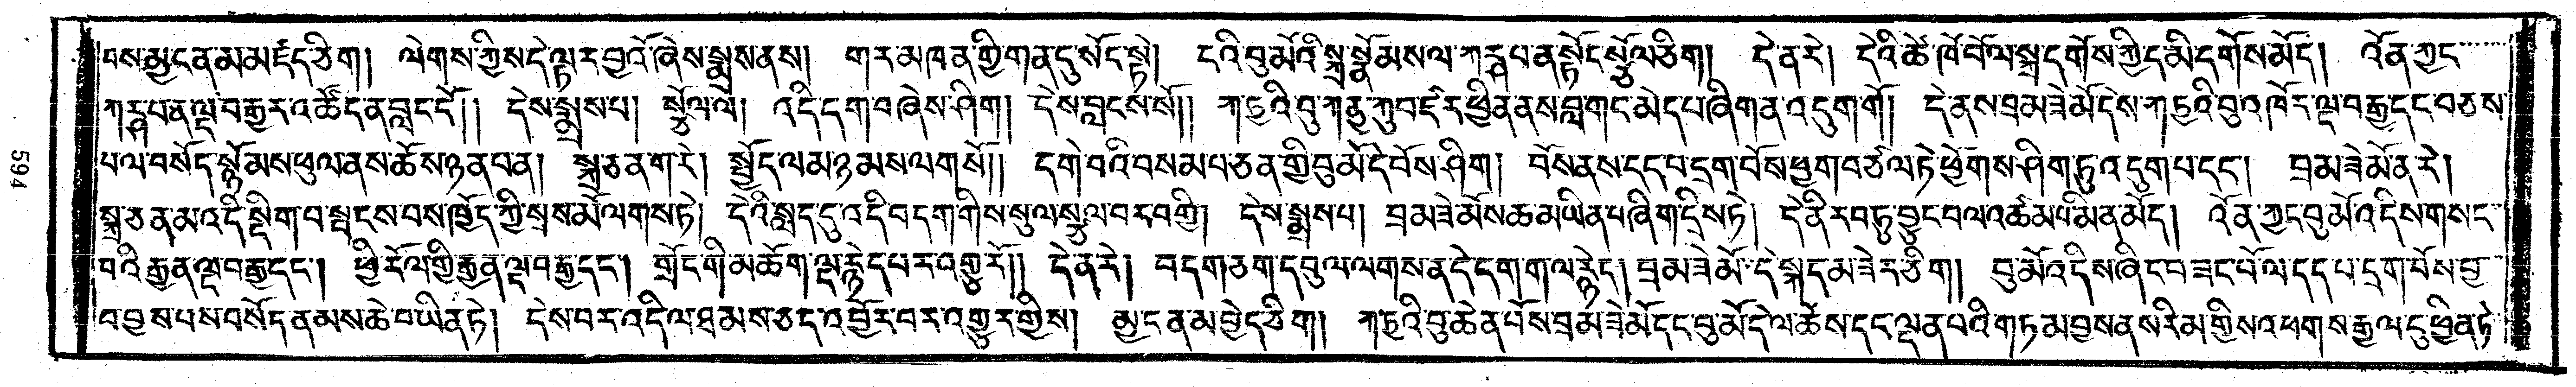བས་མྱ་ངན་མ་མཛད་ཅིག། ལེགས་ཀྱིས་དེ་ལྟར་བྱའོ་ཞེས་སྨྲས་ནས། གར་མཁན་གྱི་གན་དུ་སོང་སྟེ། ངའི་བུ་མོའི་སྐྲ་སྣོམས་ལ་ཀརྴ་པ་ན་སྟོང་སྩོལ་ཅིག། དེ་ན་རེ། དེའི་ཚེ་ཁོ་བོ་ལ་སྐྲ་དགོས་ཀྱི་ད་མི་དགོས་མོད། འོན་ཀྱང་
ཀརྴ་པ་ན་ལྔ་བརྒྱར་འཚོད་ན་བླང་ངོ།། དེས་སྨྲས་པ། སྩོལ་ལ། འདི་དག་བཞེས་ཤིག། དེས་བླངས་སོ།། ཀ་ཏྱའི་བུ་ཀཉ་ཀུབ་ཛར་ཕྱིན་ནས་བླ་གང་མེད་པ་ཞིག་ན་འདུག་གོ། དེ་ནས་བྲམ་ཟེ་མོ་དེས་ཀཏྱའི་བུ་འཁོར་ལྔ་བརྒྱ་དང་བཅས་
པ་ལ་བསོད་སྙོམས་ཕུལ་ནས་ཆོས་ཉན་པ་ན། སྐྲ་ཅན་ག་རེ། སྤྱོད་ལམ་ཉམས་ལག་སོ།། དགེ་བའི་བསམ་པ་ཅན་གྱི་བུ་མོ་དེ་བོས་ཤིག། བོས་ནས་དད་པ་དྲག་བོས་ཕྱག་བཙལ་ཏེ་ཕྱོགས་ཤིག་ཏུ་འདུག་པ་དང་། བྲམ་ཟེ་མོ་ན་རེ།
སྐྲ་ཅན་མ་འདི་སྡིག་པ་སྤངས་པས་ཁྱོད་ཀྱི་སྲས་མོ་ལགས་ཏེ། དེའི་སླད་དུ་འདི་བདག་གིས་སུ་ལ་སྩལ་བར་བགྱི། དེས་སྨྲས་པ། བྲམ་ཟེ་མོས་ཆ་མ་ཡིན་པ་ཞིག་དྲིས་ཏེ། དེ་ནི་རབ་ཏུ་བྱུང་བལ་འཚམ་པ་མིན་མོད། འོན་ཀྱང་བུ་མོ་འདིས་གསང་
བའི་རྒྱན་ལྔ་བརྒྱ་དང་། ཕྱི་རོལ་གྱི་རྒྱན་ལྔ་བརྒྱ་དང་། གྲོང་གི་མཆོག་ལྔ་རྙེད་པར་འགྱུ་རོ།། དེ་ན་རེ། བདག་ཅག་དབུལ་ལགས་ན་དེ་དག་ག་ལ་རྙེད། བྲམ་ཟེ་མོ༑ དེ་སྐད་མ་ཟེར་ཅིག། བུ་མོ་འདིས་ཞིང་བཟང་པོ་ལ་དད་པ་དྲག་བོས་བྱ་
བ་བྱས་པས་བསོད་ནམས་ཆེ་བ་ཡིན་ཏེ། དེས་པར་འདི་ལ་ཐམས་ཅད་འབྱོར་བར་འགྱུར་གྱིས། མྱ་ངན་མ་བྱེད་ཅིག། ཀ་ཏྱའི་བུ་ཆེན་པོས་བྲམ་ཟེ་མོ་དང་བུ་མོ་དེ་ལ་ཆོས་དང་ལྡན་པའི་གཏམ་བྱས་ནས་རིམ་གྱིས་འཕགས་རྒྱལ་དུ་ཕྱིན་ཏེ་